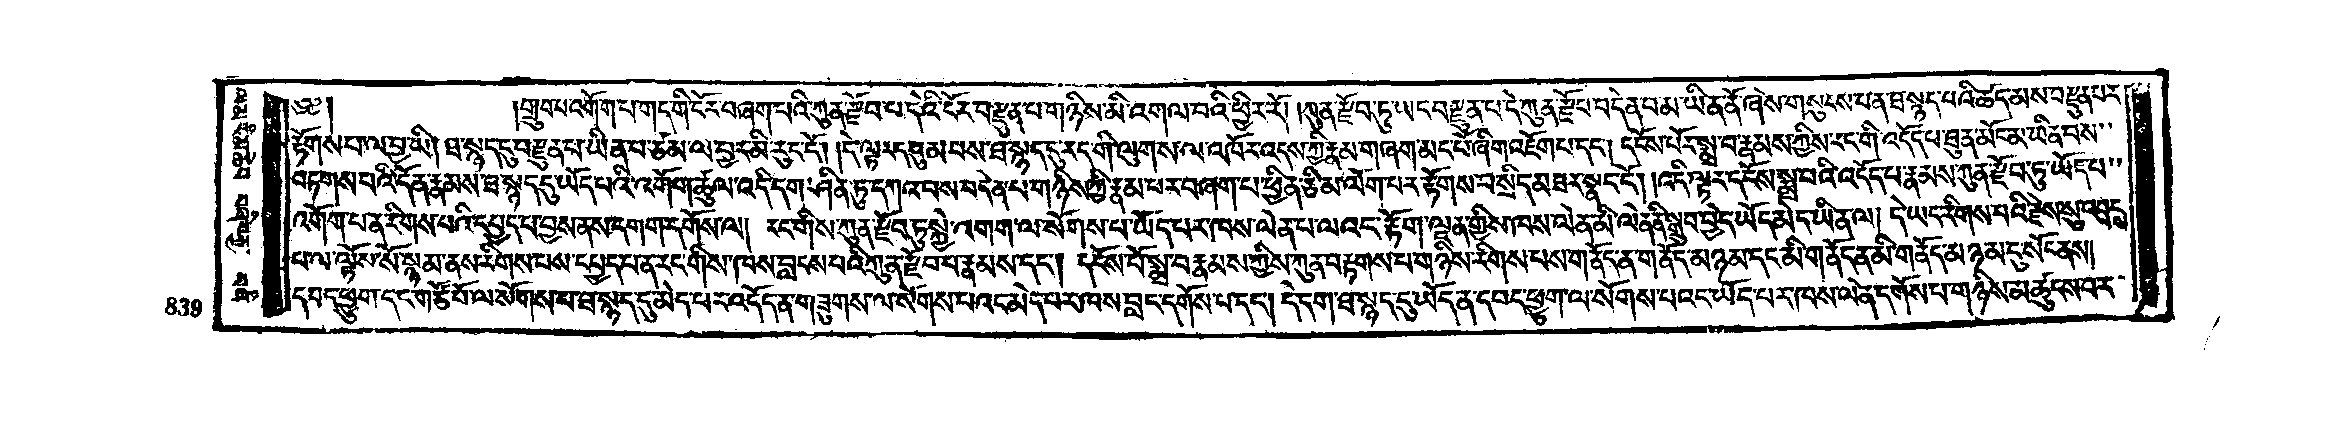༄༅། །གྲུབ་པ་འགོག་པ་གང་གི་ངོར་བཞག་པའི་ཀུན་རྫོབ་པ་དེའི་ངོར་བརྫུན་པ་གཉིས་མི་འགལ་བའི་ཕྱིར་རོ། །ཀུན་རྫོབ་ཏུ་ཡང་བརྫུན་པ་དེ་ཀུན་རྫོབ་བདེན་པ་མ་ཡིན་ནོ་ཞེས་གསུངས་པ་ནི་ཐ་སྙད་པའི་ཚད་མས་བརྫུན་པར་
རྟོགས་པ་ལ་བྱ་ཡི། ཐ་སྙད་དུ་བརྫུན་པ་ཡིན་པ་ཙམ་ལ་བྱར་མི་རུང་ངོ། །དེ་ལྟར་དབུ་མ་པས་ཐ་སྙད་དུ་རང་གི་ལུགས་ལ་འཁོར་འདས་ཀྱི་རྣམ་གཞག་མང་པོ་ཞིག་འཇོག་པ་དང་། དངོས་པོར་སྨྲ་བ་རྣམས་ཀྱིས་རང་གི་འདོད་པ་ཐུན་མོང་མ་ཡིན་པས་
བཏགས་པའི་དོན་རྣམས་ཐ་སྙད་དུ་ཡོད་པའི་འགོག་ཚུལ་འདི་དག་ཤིན་ཏུ་དཀའ་བས་བདེན་པ་གཉིས་ཀྱི་རྣམ་པར་བཞག་པ་ཕྱིན་ཅི་མ་ལོག་པར་རྟོགས་པ་སྲིད་མཐར་སྣང་ངོ། །འདི་ལྟར་དངོས་སྨྲ་བའི་འདོད་པ་རྣམས་ཀུན་རྫོབ་ཏུ་ཡོད་པ་
འགོག་པ་ན་རིགས་པའི་དཔྱད་པ་བྱས་ནས་དགག་དགོས་ལ། རང་གིས་ཀུན་རྫོབ་ཏུ་སྐྱེ་འགག་ལ་སོགས་པ་ཡོད་པར་ཁས་ལེན་པ་ལའང་རྟོག་ལྡན་གྱིས་ཁས་ལེན་མི་ལེན་ནི་སྒྲུབ་བྱེད་ཡོད་མེད་ཡིན་ལ། དེ་ཡང་རིགས་པའི་རྗེས་སུ་འབྲངས་
པ་ལ་ལྟོས་སོ་སྙམ་ནས་རིགས་པས་དཔྱད་པ་ན་རང་གིས་ཁས་བླངས་པའི་ཀུན་རྫོབ་པ་རྣམས་དང་། དངོས་པོ་སྨྲ་བ་རྣམས་ཀྱིས་ཀུན་བརྟགས་པ་གཉིས་རིགས་པས་གནོད་ན་གནོད་མཉམ་དང་མི་གནོད་ན་མི་གནོད་མཉམ་དུ་སོང་ནས།
དབང་ཕྱུག་དང་གཙོ་བོ་ལ་སོགས་པ་ཐ་སྙད་དུ་མེད་པར་འདོད་ན་གཟུགས་ལ་སོགས་པའང་མེད་པར་ཁས་བླང་དགོས་པ་དང་། དེ་དག་ཐ་སྙད་དུ་ཡོད་ན་དབང་ཕྱུག་ལ་སོགས་པའང་ཡོད་པར་ཁས་ལེན་དགོས་པ་གཉིས་མཚུངས་པར་